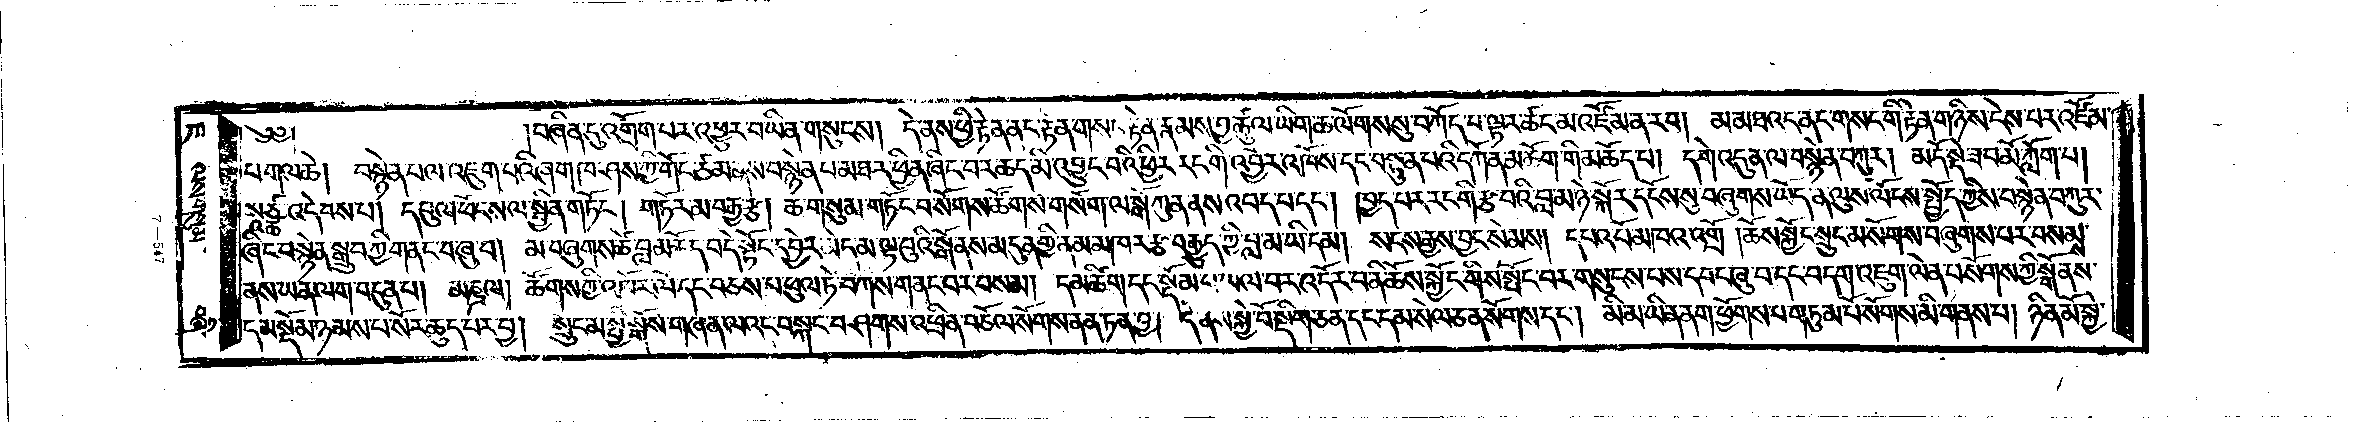༄༅། །བཞིན་དུ་འགྲོག་པར་འགྱུར་བ་ཡིན་གསུངས། དེ་ནས་ཕྱི་རྟེན་ནང་རྟེན་གསང་རྟེན་རྣམས་བྱ་ཚུལ་ཡིག་ཆ་ལོགས་སུ་བཀོད་པ་ལྟར་ཚང་མ་འཛོམ་ན་རབ། མ་མཐའང་གསང་གི་རྟེན་གཉིས་ངེས་པར་འཛོམ་
པ་གལ་ཆེ། བསྙེན་པ་ལ་འཇུག་པའི་ཞག་ཁ་ཤེས་ཀྱི་གོང་ཙམ་ནས་བསྙེན་པ་མཐར་ཕྱིན་ཞིང་བར་ཆད་མི་འབྱུང་བའི་ཕྱིར་རང་གི་འབྱོར་འཁོས་དང་བསྟུན་པའི་དཀོན་མཆོག་གི་མཆོད་པ། དགེ་འདུན་ལ་བསྙེན་བཀུར། མདོ་སྡེ་ཟབ་མོ་ཀློག་པ།
སཱཙྪ་འདེབས་པ། དབུལ་ཕུངས་ལ་སྦྱིན་གཏོང་། གཏོར་མ་རྒྱ་རྩ། ཆ་གསུམ་གཏོང་བ་སོགས་ཚོགས་གསོག་ལ་སྒོ་ཀུན་ནས་འབད་པ་དང་། ཁྱད་པར་རང་གི་རྩ་བའི་བླ་མ་ཉེ་སྐོར་དངོས་སུ་བཞུགས་ཡོད་ན་ལུས་ལོངས་སྤྱོད་ཀྱིས་བསྙེན་ཀུར་
ཞིང་བསྙེན་སྒྲུབ་ཀྱི་གནང་བ་ཞུ་བ། མ་བཞུགས་ཚེ་བླ་མཆོད་བདེ་སྟོང་དབྱེར་མེད་མ་ལྟ་བུའི་སྒོ་ནས་མདུན་གྱི་ནམ་མཁར་རྩ་བརྒྱུད་ཀྱི་བླ་མ་ཡི་དམ། སངས་རྒྱས་བྱང་སེམས། དཔའ་བོ་མཁའ་འགྲོ། །ཆོས་སྐྱོང་སྲུང་མ་སོགས་བཞུགས་པར་བསམས་
ནས་ཡན་ལག་བདུན་པ། མཎྜལ། ཚོགས་ཀྱི་འཁོར་ལོ་དང་བཅས་པ་ཕུལ་ཏེ་བཀས་གནང་བར་བསམ། དམ་ཚིག་དང་སྡོམ་པ་ཡལ་བར་འདོར་བ་ནི་ཆོས་སྐྱོང་གིས་སྤོང་བར་གསུངས་པས་དབང་ཞུ་བ་དང་དག་འཇུག་ལེན་བ་སོགས་ཀྱི་སྒོ་ནས་
དམ་སྡོམ་ཉམས་པ་སོར་ཆུད་པར་བྱ། སྲུང་མ་སྤྱི་སྒོས་གཞན་ལའང་བསྐང་བཤགས་འཕྲིན་བཅོལ་སོགས་ནན་ཏན་བྱ། དེ་ནས་སྐྱེ་བོ་སྡིག་ཅན་དང་དམ་སེལ་ཅན་སོགས་དང་། མི་མ་ཡིན་ནག་ཕྱོགས་པ་གཏུམ་པོ་སོགས་མི་གནས་པ། ཉིན་མོ་སྐྱེ་